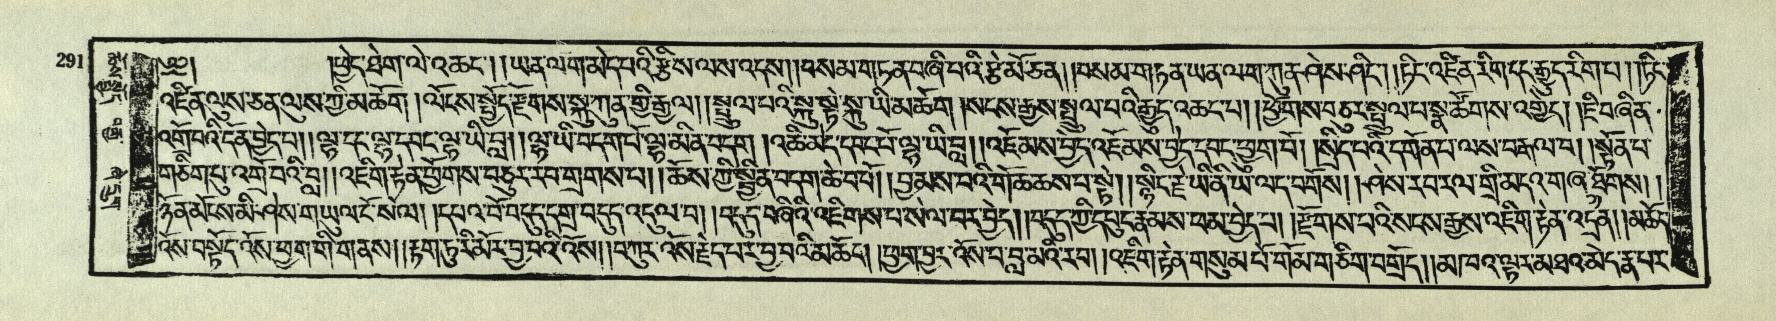༄༅། །ཕྱེད་ཐེག་ལེ་འཆང་། །ཡན་ལག་མེད་པའི་རྩིས་ལས་འདས། །བསམ་གཏན་བཞི་པའི་རྩེ་མོ་ཅན། །བསམ་གཏན་ཡན་ལག་ཀུན་ཤེས་ཤིང་། །ཏིང་འཛིན་རིག་དང་རྒྱུད་རིག་པ། །ཏིང་
འཛིན་ལུས་ཅན་ལུས་ཀྱི་མཆོག །ལོངས་སྤྱོད་རྫོགས་སྐུ་ཀུན་གྱི་རྒྱལ། །སྤྲུལ་པའི་སྐུ་སྟེ་སྐུ་ཡི་མཆོག །སངས་རྒྱས་སྤྲུལ་པའི་རྒྱུད་འཆང་པ། །ཕྱོགས་བཅུར་སྤྲུལ་པ་སྣ་ཚོགས་འགྱེད། །ཇི་བཞིན་
འགྲོ་བའི་དོན་བྱེད་པ། །ལྷ་དང་ལྷ་དབང་ལྷ་ཡི་བླ། །ལྷ་ཡི་བདག་པོ་ལྷ་མིན་བདག །འཆི་མེད་དབང་པོ་ལྷ་ཡི་བླ། །འཇོམས་བྱེད་འཇོམས་བྱེད་དབང་ཕྱུག་པོ། །སྲིད་པའི་དགོན་པ་ལས་བརྒལ་བ། །སྟོན་པ་
གཅིག་པུ་འགྲོ་བའི་བླ། །འཇིག་རྟེན་ཕྱོགས་བཅུར་རབ་གྲགས་པ། །ཆོས་ཀྱི་སྦྱིན་བདག་ཆེ་བ་པོ། །བྱམས་བའི་གོ་ཆ་ཆས་པ་སྟེ། །སྙིང་རྗེ་ཡི་ནི་ཡ་ལད་བགོས། །ཤེས་རབ་རལ་གྲི་མདའ་གཞུ་ཐོགས། །
ཉོན་མོངས་མི་ཤེས་གཡུལ་ངོ་སེལ། །དཔའ་བོ་བདུད་དགྲ་བདུད་འདུལ་བ། །བདུད་བཞིའི་འཇིགས་པ་སེལ་བར་བྱེད། །བདུད་ཀྱི་དཔུང་རྣམས་ཕམ་བྱེད་པ། །རྫོགས་པའི་སངས་རྒྱས་འཇིག་རྟེན་འདྲེན། །མཆོད་
འོས་བསྟོད་འོས་ཕྱག་གི་གནས། །རྟག་ཏུ་རི་མོར་བྱ་བའི་འོས། །བཀུར་འོས་རྗེད་པར་བྱ་བའི་མཆོད། །ཕྱག་བྱར་འོས་པ་བླ་མའི་རབ། །འཇིག་རྟེན་གསུམ་པོ་གོམ་གཅིག་བགྲོད། །མཁའ་ལྟར་མཐའ་མེད་རྣ་པར་